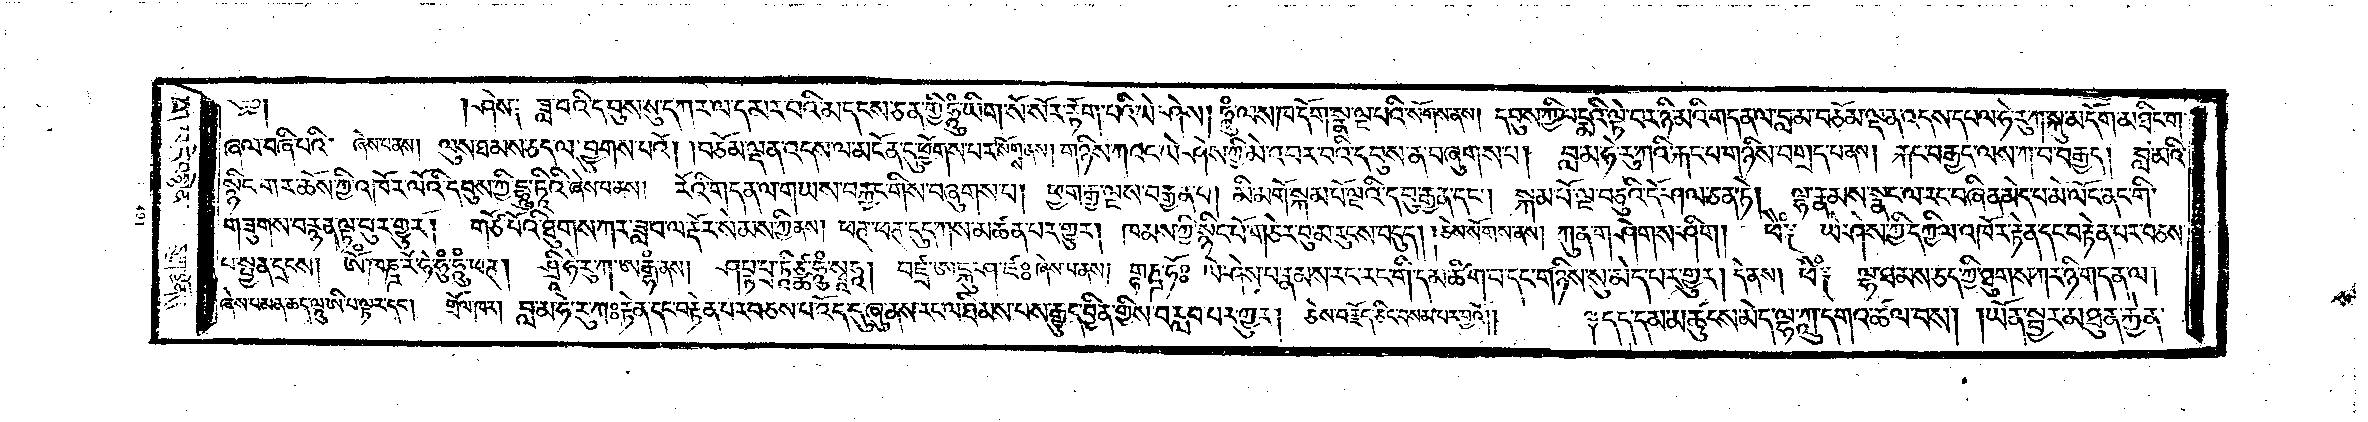༄༅། །ཤེས༑ ཟླ་བའི་དབུས་སུ་དཀར་ལ་དམར་བའི་མདངས་ཅན་གྱི་ཧཱུཾ་ཡིག་སོ་སོར་རྟོག་པའི་ཡེ་ཤེས། ཧཱུཾ་ལས་ཁ་དོག་སྣ་ལྔ་པའི་སོགས་ནས།  དབུས་ཀྱི་པདམའི་ལྟེ་བར་ཉི་མའི་གདན་ལ་བླ་མ་བཅོམ་ལྡན་འདས་དཔལ་ཧེ་རུ་ཀ་སྐུ་མདོག་མཐིང་ག་
ཞལ་བཞི་པའི་ཞེས་པ་ནས།  ལུས་ཐམས་ཅད་ལ་བྱུགས་པའོ། །བཅོམ་ལྡན་འདས་ལ་མངོན་དུ་ཕྱོགས་པར་སོགས་ནས།  གཉིས་ཀའང་ཡེ་ཤེས་ཀྱི་མེ་འབར་བའི་དབུས་ན་བཞུགས་པ། བླ་མ་ཧེ་རུ་ཀའི་རྐང་པ་གཉིས་བགྲད་པ་ནས།  རྐང་བརྒྱད་ལས་ཀ་པ་བརྒྱད། བླ་མའི་
སྙིང་གར་ཆོས་ཀྱི་འཁོར་ལོའི་དབུས་ཀྱི་ངྷཱུ་ཏཱིའི་ཞེས་པ་ནས།  རོའི་གདན་ལ་གཡས་བ་རྐྱང་གིས་བཞུགས་པ། ཕྱག་རྒྱ་ལྔས་བརྒྱན་པ། མི་མགོ་སྐམ་པོ་ལྔའི་དབུ་རྒྱན་དང་། སྐམ་པོ་ལྔ་བཅུའི་དོ་ཤལ་ཅན་ཏེ། ལྷ་རྣམས་སྣང་ལ་རང་བཞིན་མེད་པ་མེ་ལོང་ནང་གི་
གཟུགས་བརྙན་ལྟ་བུར་གྱུར། གཙོ་བོའི་ཐུགས་ཀར་ཟླ་བ་ལ་རྡོར་སེམས་ཀྱི་ནས།  ཕཊ་ཕཊ་དུད་ཀས་མཚན་པར་གྱུར། ཁམས་ཀྱི་སྙིང་པོ་གཅེར་བུ་མ་རུངས་བདུད། །ཅེས་སོགས་ནས།  ཀུན་གཤེགས་ཤིག ། ཕཻཾ༑ ཡེ་ཤེས་ཀྱི་དཀྱིལ་འཁོར་རྟེན་དང་བརྟེན་པར་བཅས་
པ་སྤྱན་དྲངས། ཨོཾ་ཁཎྜ་རོ་ཧེ་ཧུཾ་ཧཱུཾ་ཕཊ། ཤྲཱི་ཧེ་རུ་ཀ་ཨརྒྷཾ་ནས། ཤཔྟ་པྲ་ཏཱི་ཙྪ་ཧཱུཾ་སྭཱཧཱ། བཛྲ་ཨངྐུ་ཤ་ཛཿ ཞེས་པ་ནས།  གྷཎྜ་ཧོཿ ཡེ་ཤེས་པ་རྣམས་རང་རང་གི་དམ་ཚིག་པ་དང་གཉིས་སུ་མེད་པར་གྱུར། དེ་ནས།  ཕཻཾ༑ ལྷ་ཐམས་ཅད་ཀྱི་ཐུགས་ཀར་ཉི་གདན་ལ།
ཞེས་པ་མན་ཆད་ལཱུ་ཨི་པ་ལྟར་དང་།  གྲོལ་ཁར། བླ་མ་ཧེ་རུ་ཀཿརྟེན་དང་བརྟེན་པར་བཅས་པ་འོད་དུ་ཞུ་ནས་རང་ལ་ཐིམས་པས་རྒྱུད་བྱིན་གྱིས་བརླབ་པར་གྱུར། ཅེས་བརྗོད་ཅིང་བསམ་པར་བྱའོ།།  ༈དད་དམ་མཚུངས་མེད་ལྷ་ཀླུ་དགའ་ཚལ་བས། །ཡོན་སྦྱར་མཐུན་རྐྱེན་